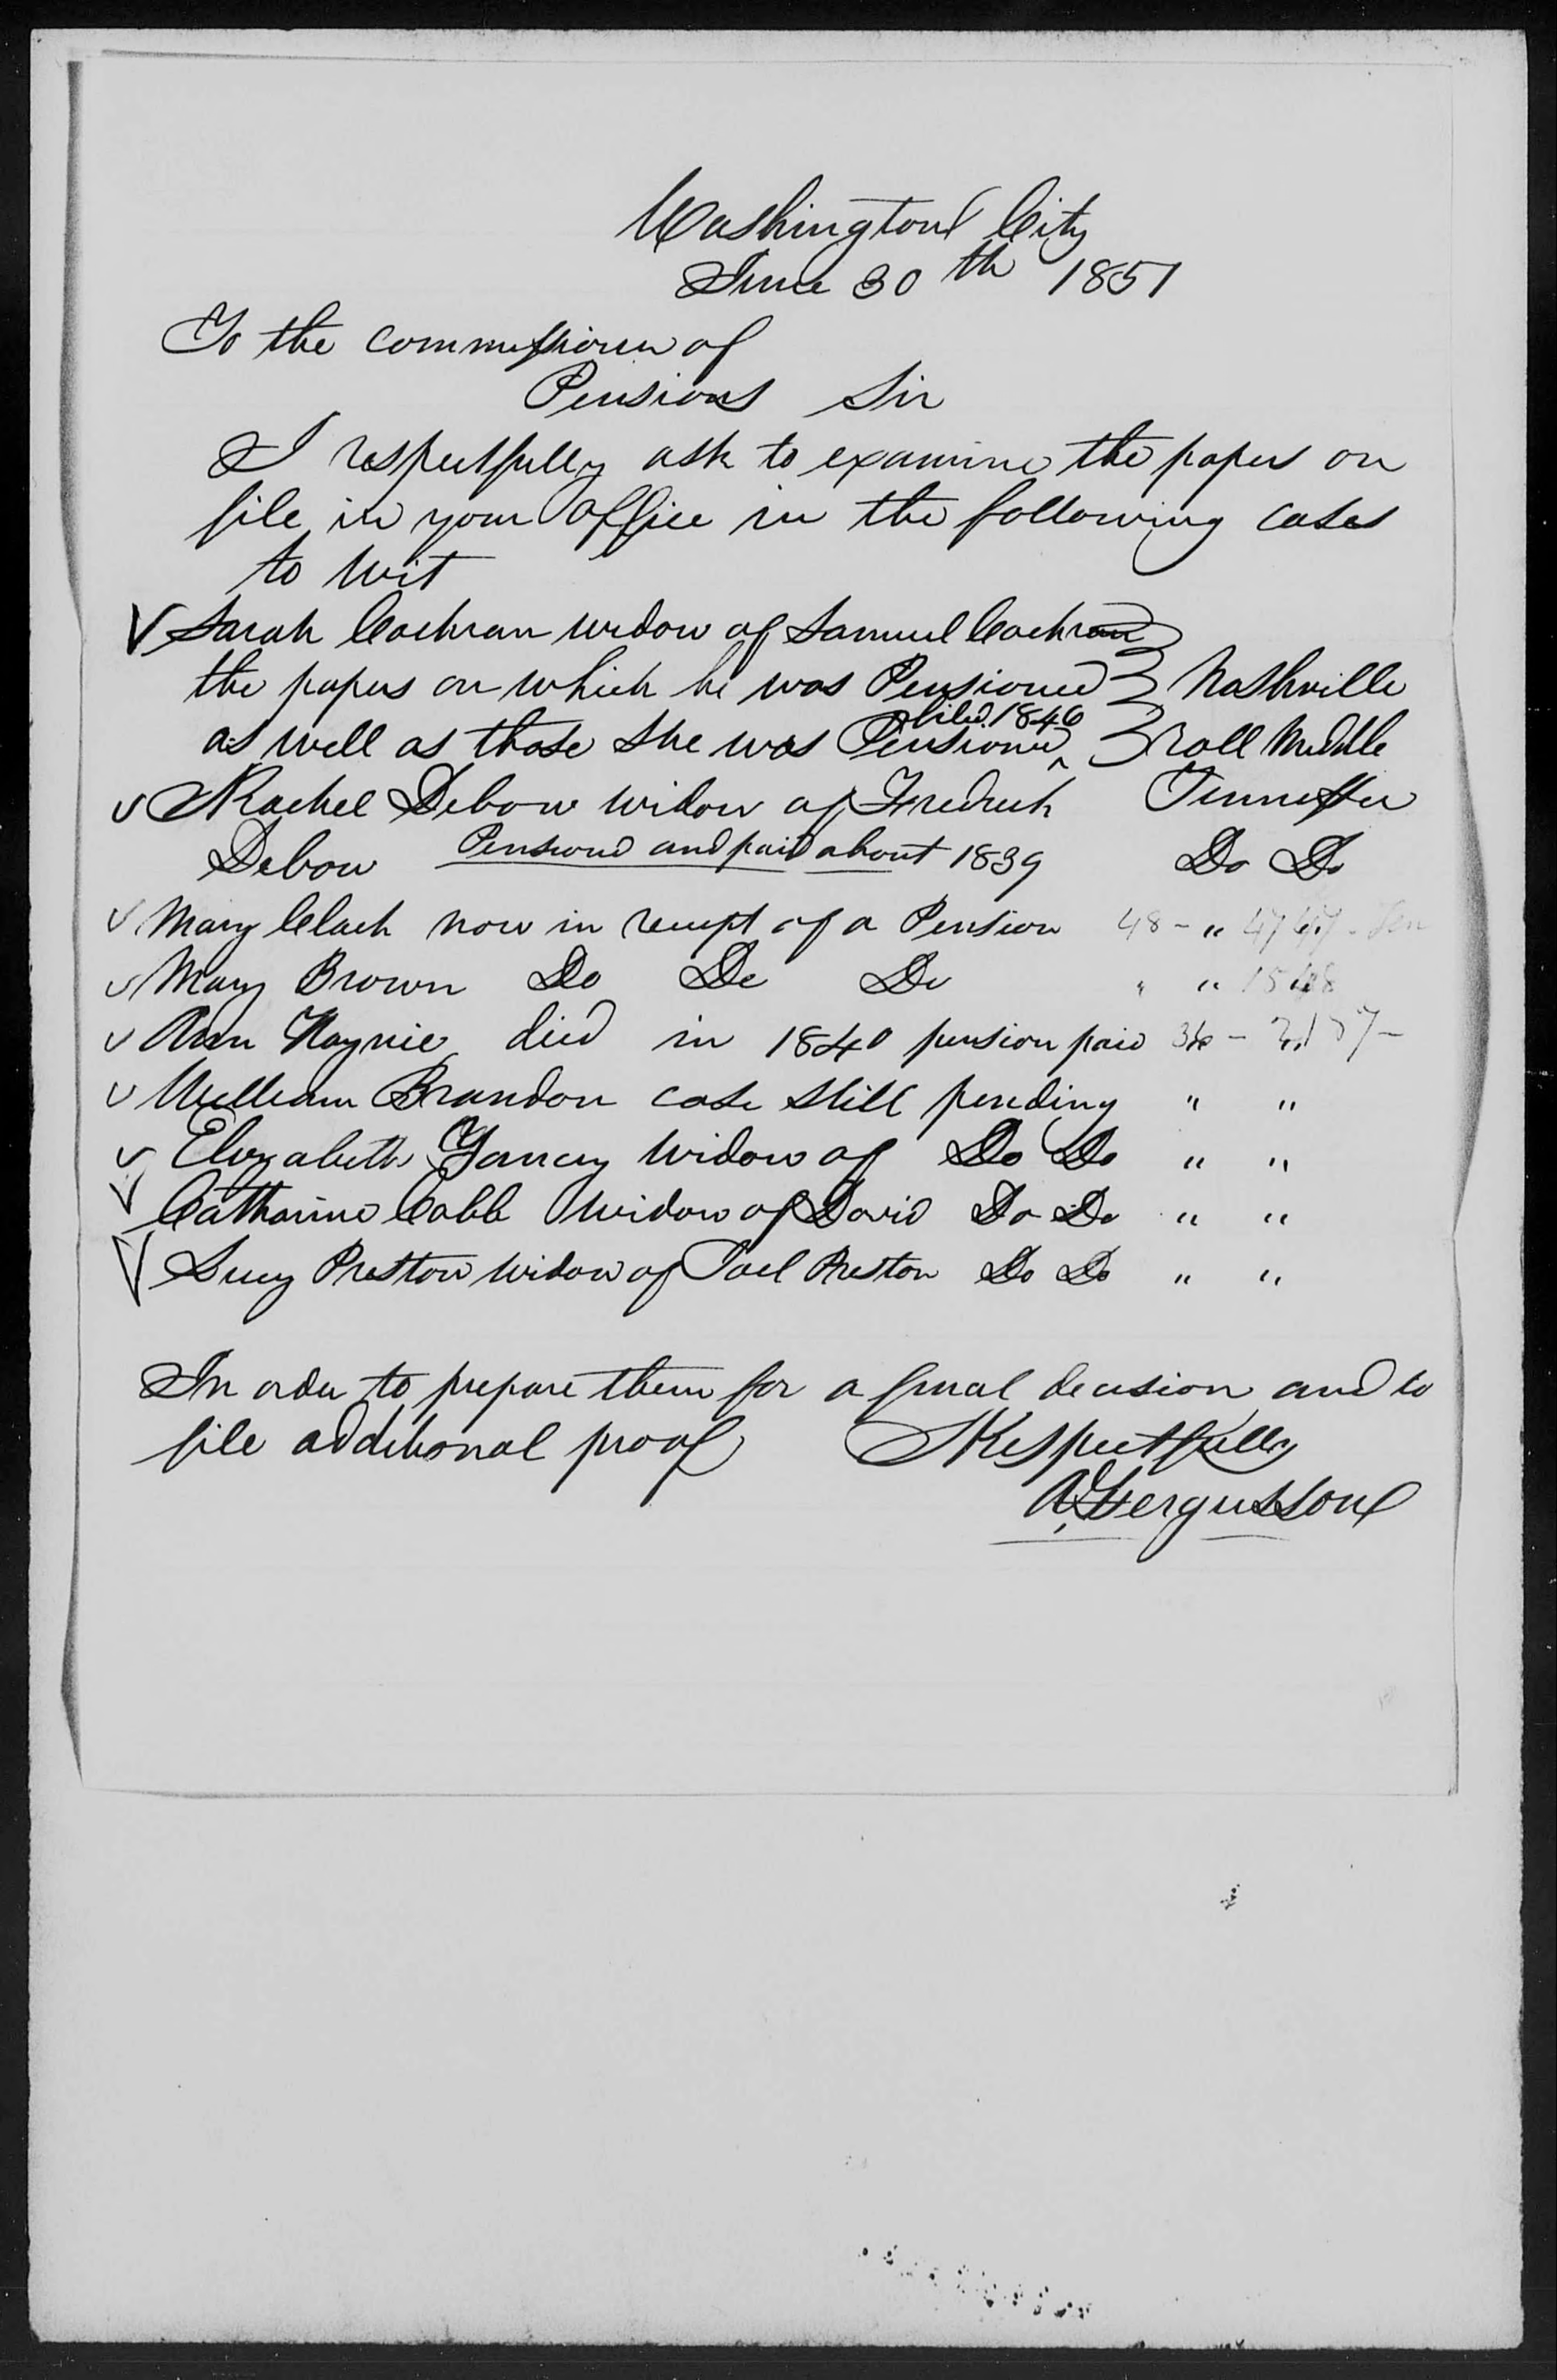Washington City 
June 30th 1851 
To the commissioner of pensions
Sir
I respectfully ask to examine the papers on file in your office in the following cases to ti
V Sarah Cochran widow of Samuael Cochran}
The papers on which he was pensioned} Nashville
As well as those she was pensioned [inserted above filed 1846]} Roll middle
V Rachel Debow widow of Frederick    Tennessee
Debow  [underline the follow] Pensioned and paid about 1839      Do  Do
Mary Black now in receipt of a pension                  48-“ 47 [illegible]
Mary Brown   Do    De   Du                                      [illegible] “ 1548
V Ann Haynie           died in 1840 pension paid 36 - [illegible]
V William Brandon     cash still pending              “            “
V Elizabeth Yancy    widow of Do Do                 “               “
V Catharine Cobb  widow of David Do Do     “        “
V Lucy Preston widow of Joel Preston Do Do   “  “
In order to prepare them for a final decision and to file additional proof
Respectfully 
A Fergusson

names: Joel Preston, Samuel Cochran, Sarah Cathran, William Brandon, Elizabeth Yancey, A Fergusson, Catharine Cabb, Fredrick Debow, David Cabb, Rachel Debow, Lucy Preston, Mary Clark, Ann Haynie, Mary Brown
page: 45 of 62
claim: widow's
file: W 7005, Frederick Debow, N.C.